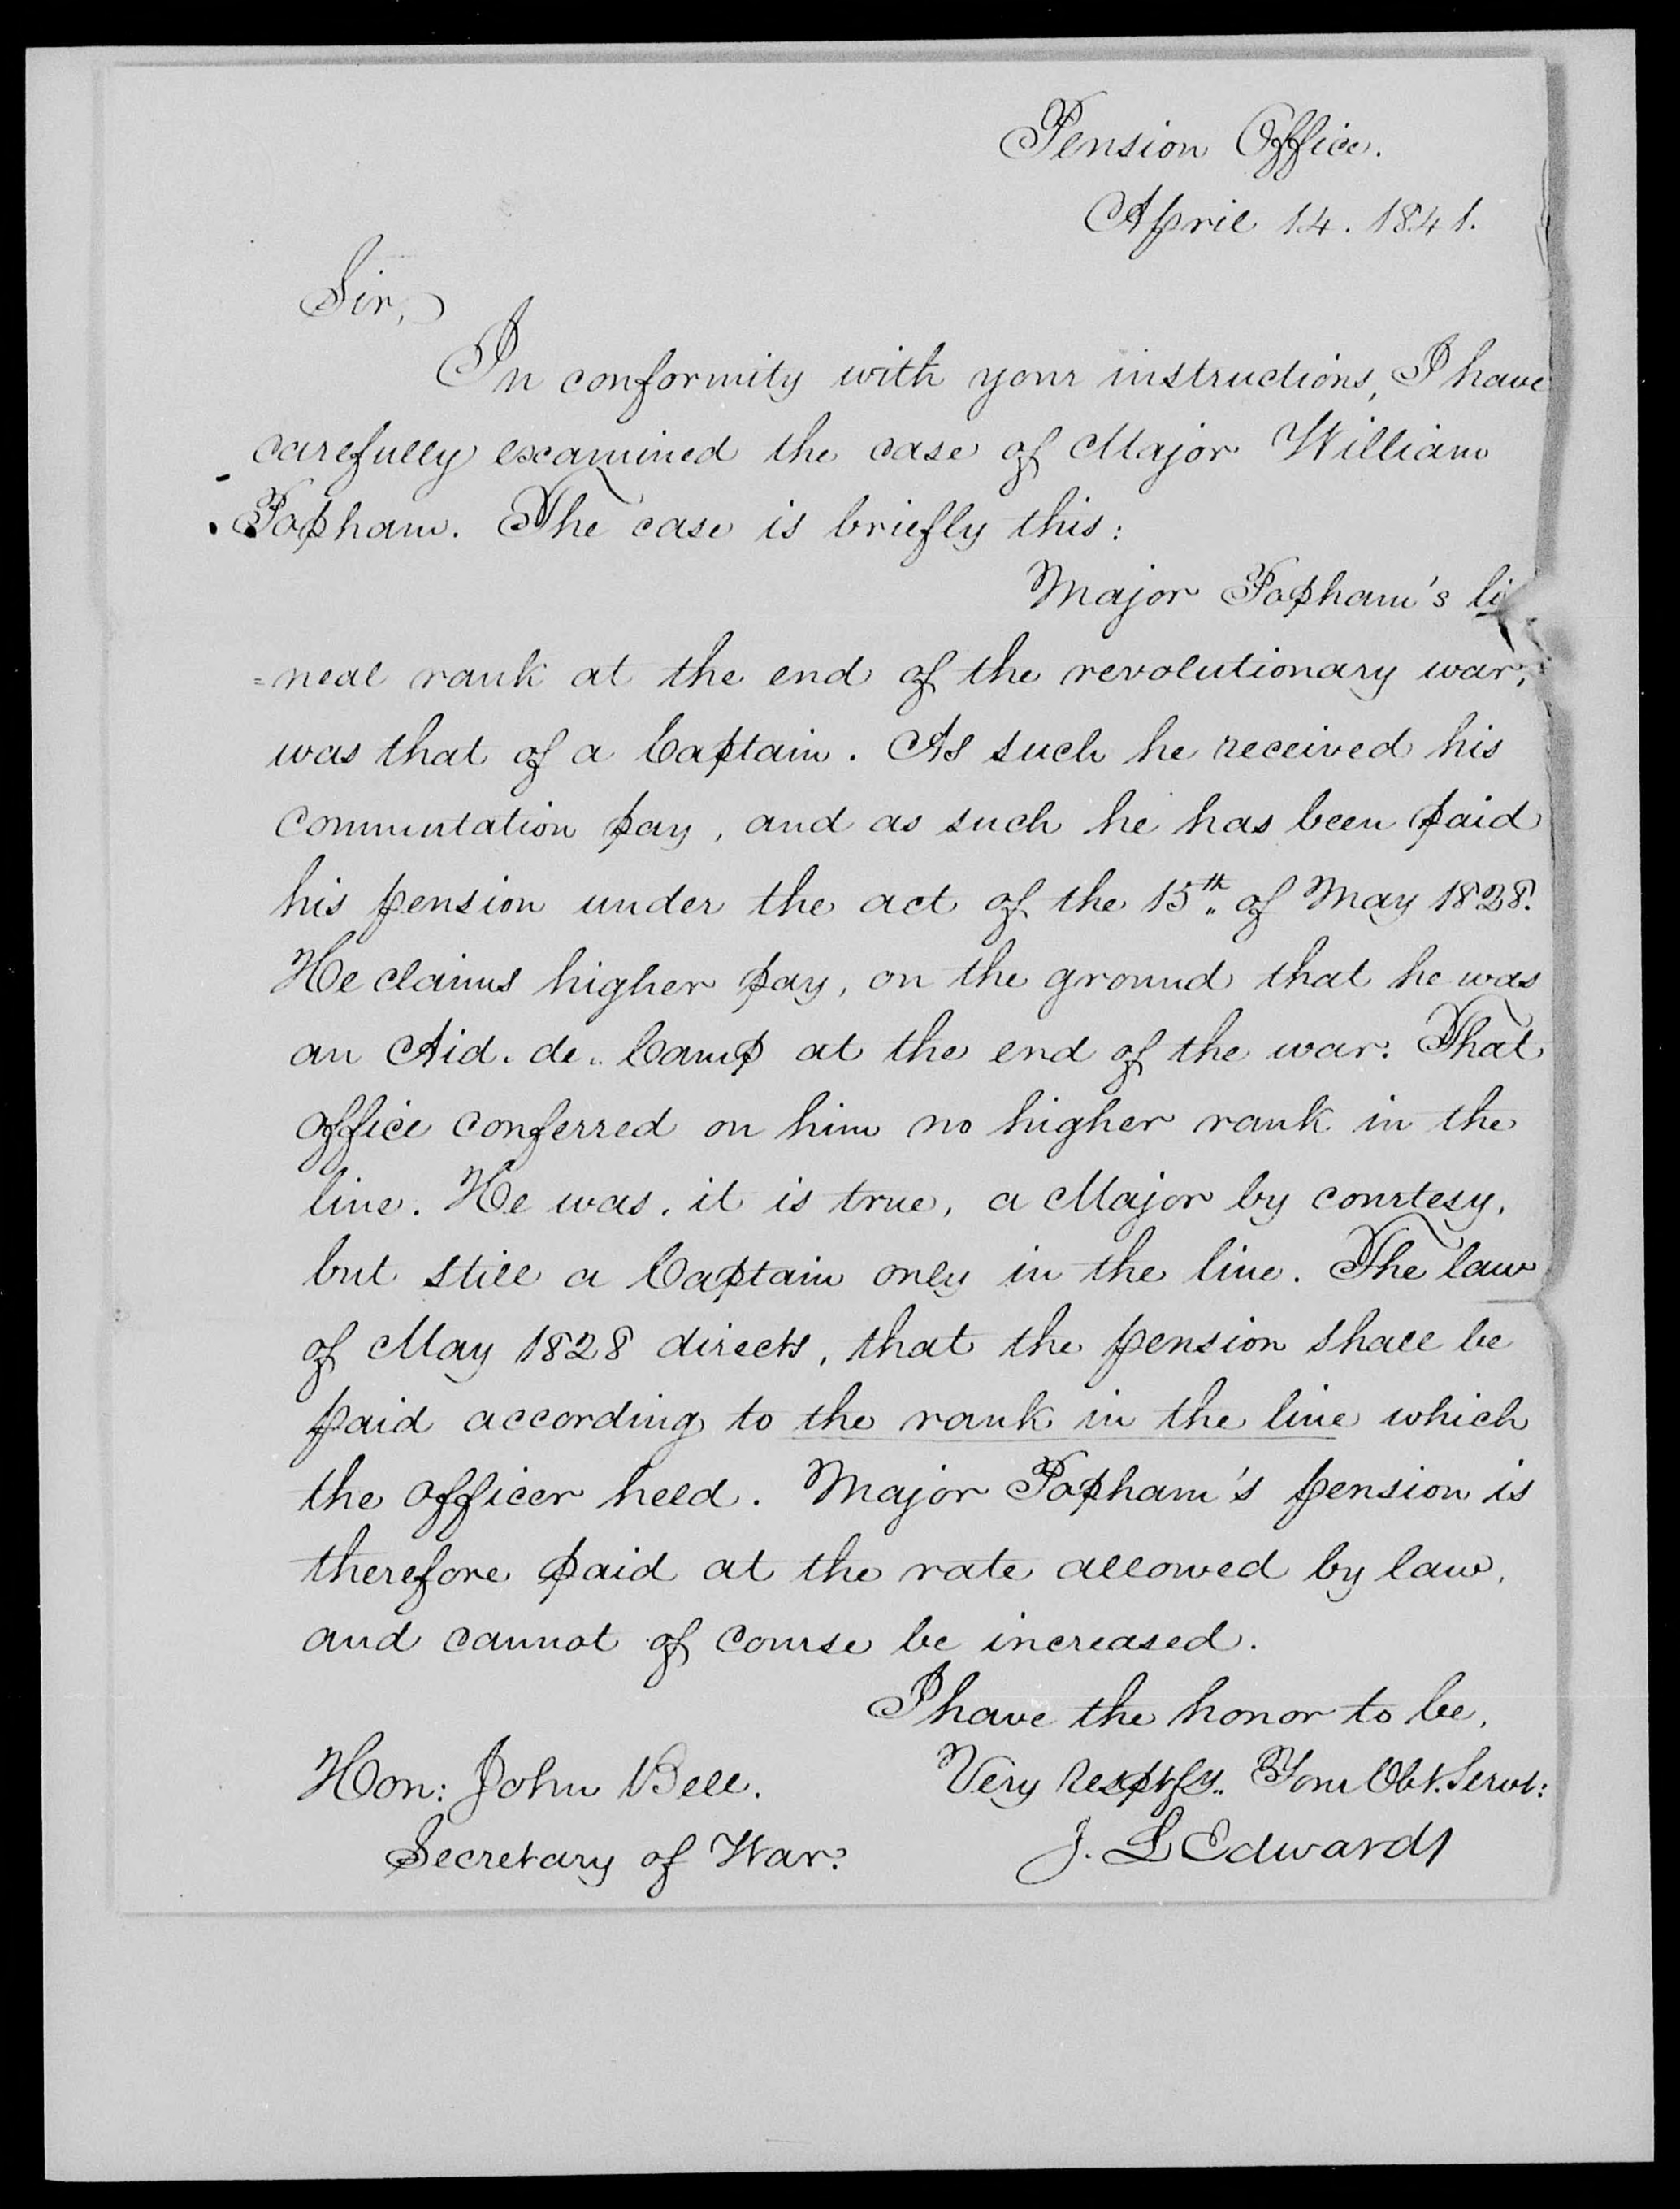Pension Office.
April 14. 1841.
Sir,
In conformity with your instructions, I have
carefully examined the case of Major William
Popham. The case is briefly this:
Major Popham's li- [text missing]neal rank at the end of the revolutionary war, was that of a Captain. As such he received his commutation pay, and as such he has been paid 
his pension under the act of the 15th of May 1828.
He claims higher pay, on the ground that he was an
Aid de Camp at the end of the war: That
office conferred on him no higher rank in the
line. He was, it is true, a Major by courtesy,
but still a Captain only in the line. The law
of May 1828 directs, that the pension shall be
paid according to the rank in the line which
the officer held. Major Popham's pension is
therefore paid at the rate allowed by law
and cannot of course be increased.
I have the honor to be
Very Resptfy Your Obt. Servt.
J. L Edwards

Hon. John Bell
Secretary of War.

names: John Bell; William Popham; J L Edwards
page: 22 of 75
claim: survivor's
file: S. 9989, for William Popham, Delaware